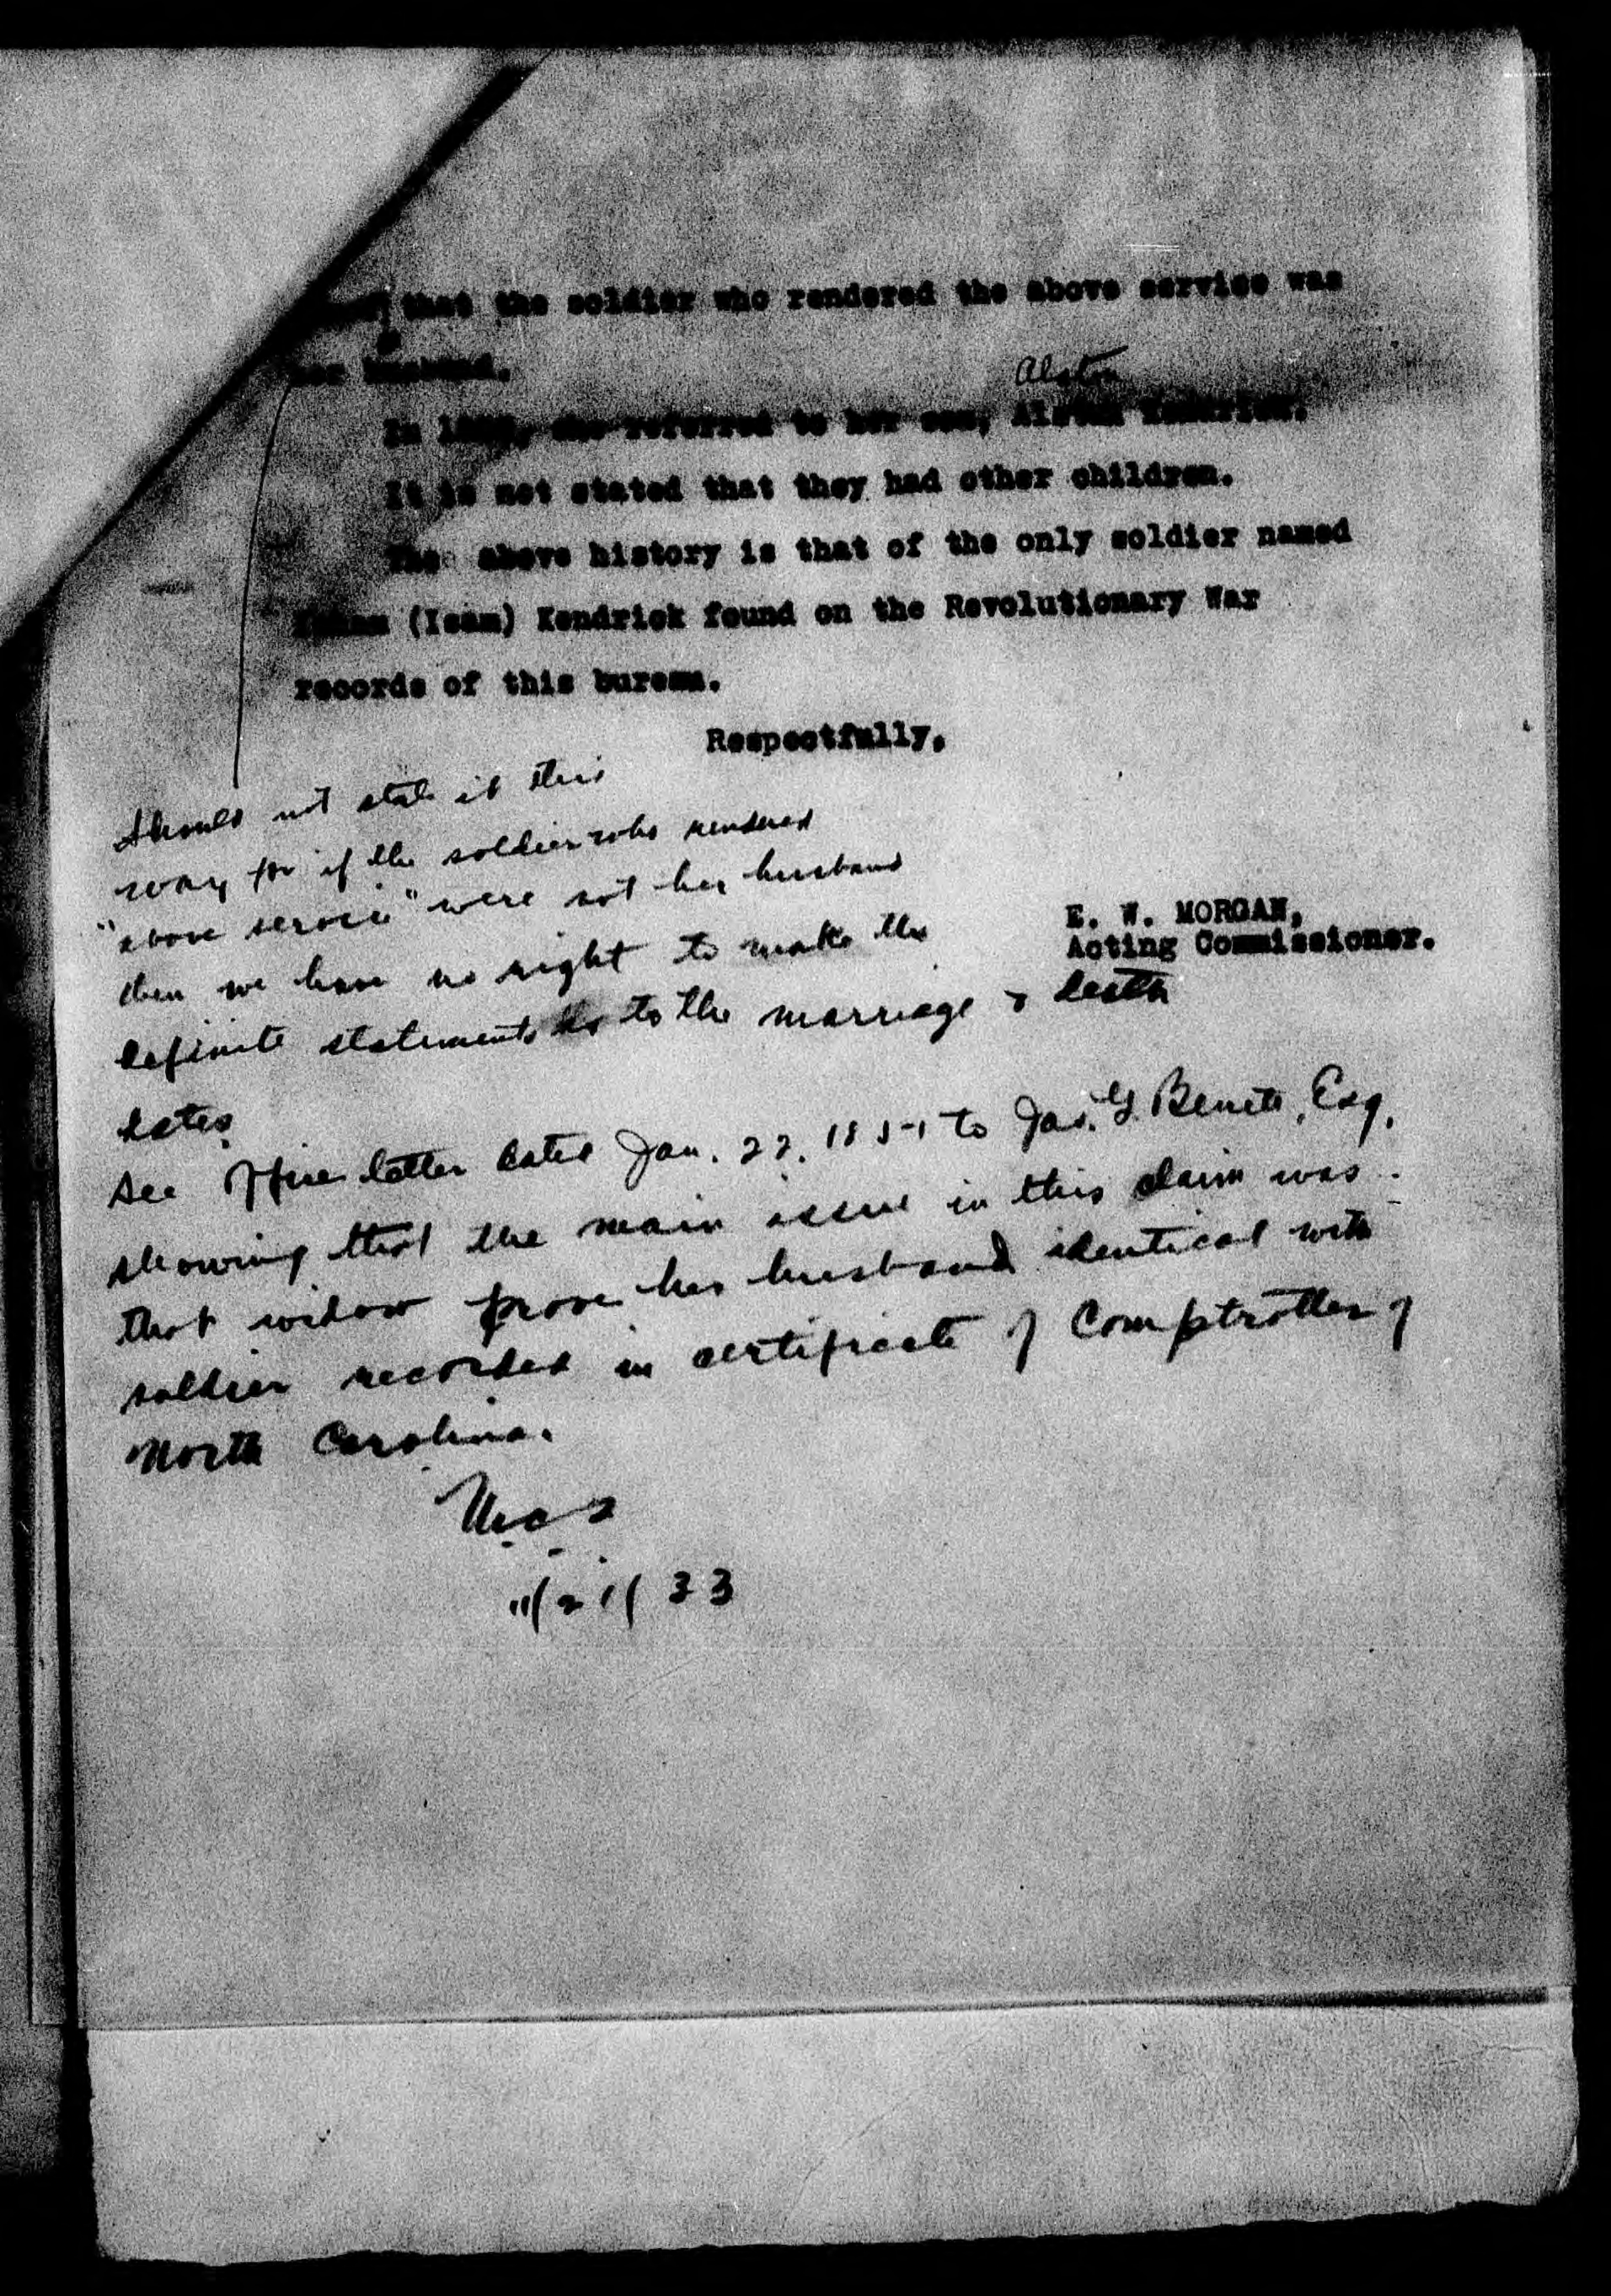[top left side of page is partially obstructed from a paper fold and image is very blurry]

[illegible] that the soldier who rendered the above service was
[illegible]

In [illegible] was referred to her [illegible] Alston [illegible]
It is not stated that they had other children.

The above history is that of the only soldier named
Isham (Isam) Kendrick found on the Revolutionary War
records of this bureau.

Respectfully,

E. W. MORGAN,
Acting Commissioner.

[handwritten notes on the bottom portion of this letter]
Should not state it this 
way for if the soldier who rendered
"above service" were not her husband
then we have no right to make the 
definite statements as to the marriage & death
dates.
See office letter dated Jan. 22. 1851 to Jas. G. Bennet Esq.
showing that the main issue in this claim was 
that widow from her husband identical with 
soldier recorded in certificate of Comptroller of 
North Carolina.
M.C.S.
11/21/33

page: 26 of 29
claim: rejected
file: R. 5862, for Isham Kendrick, North Carolina